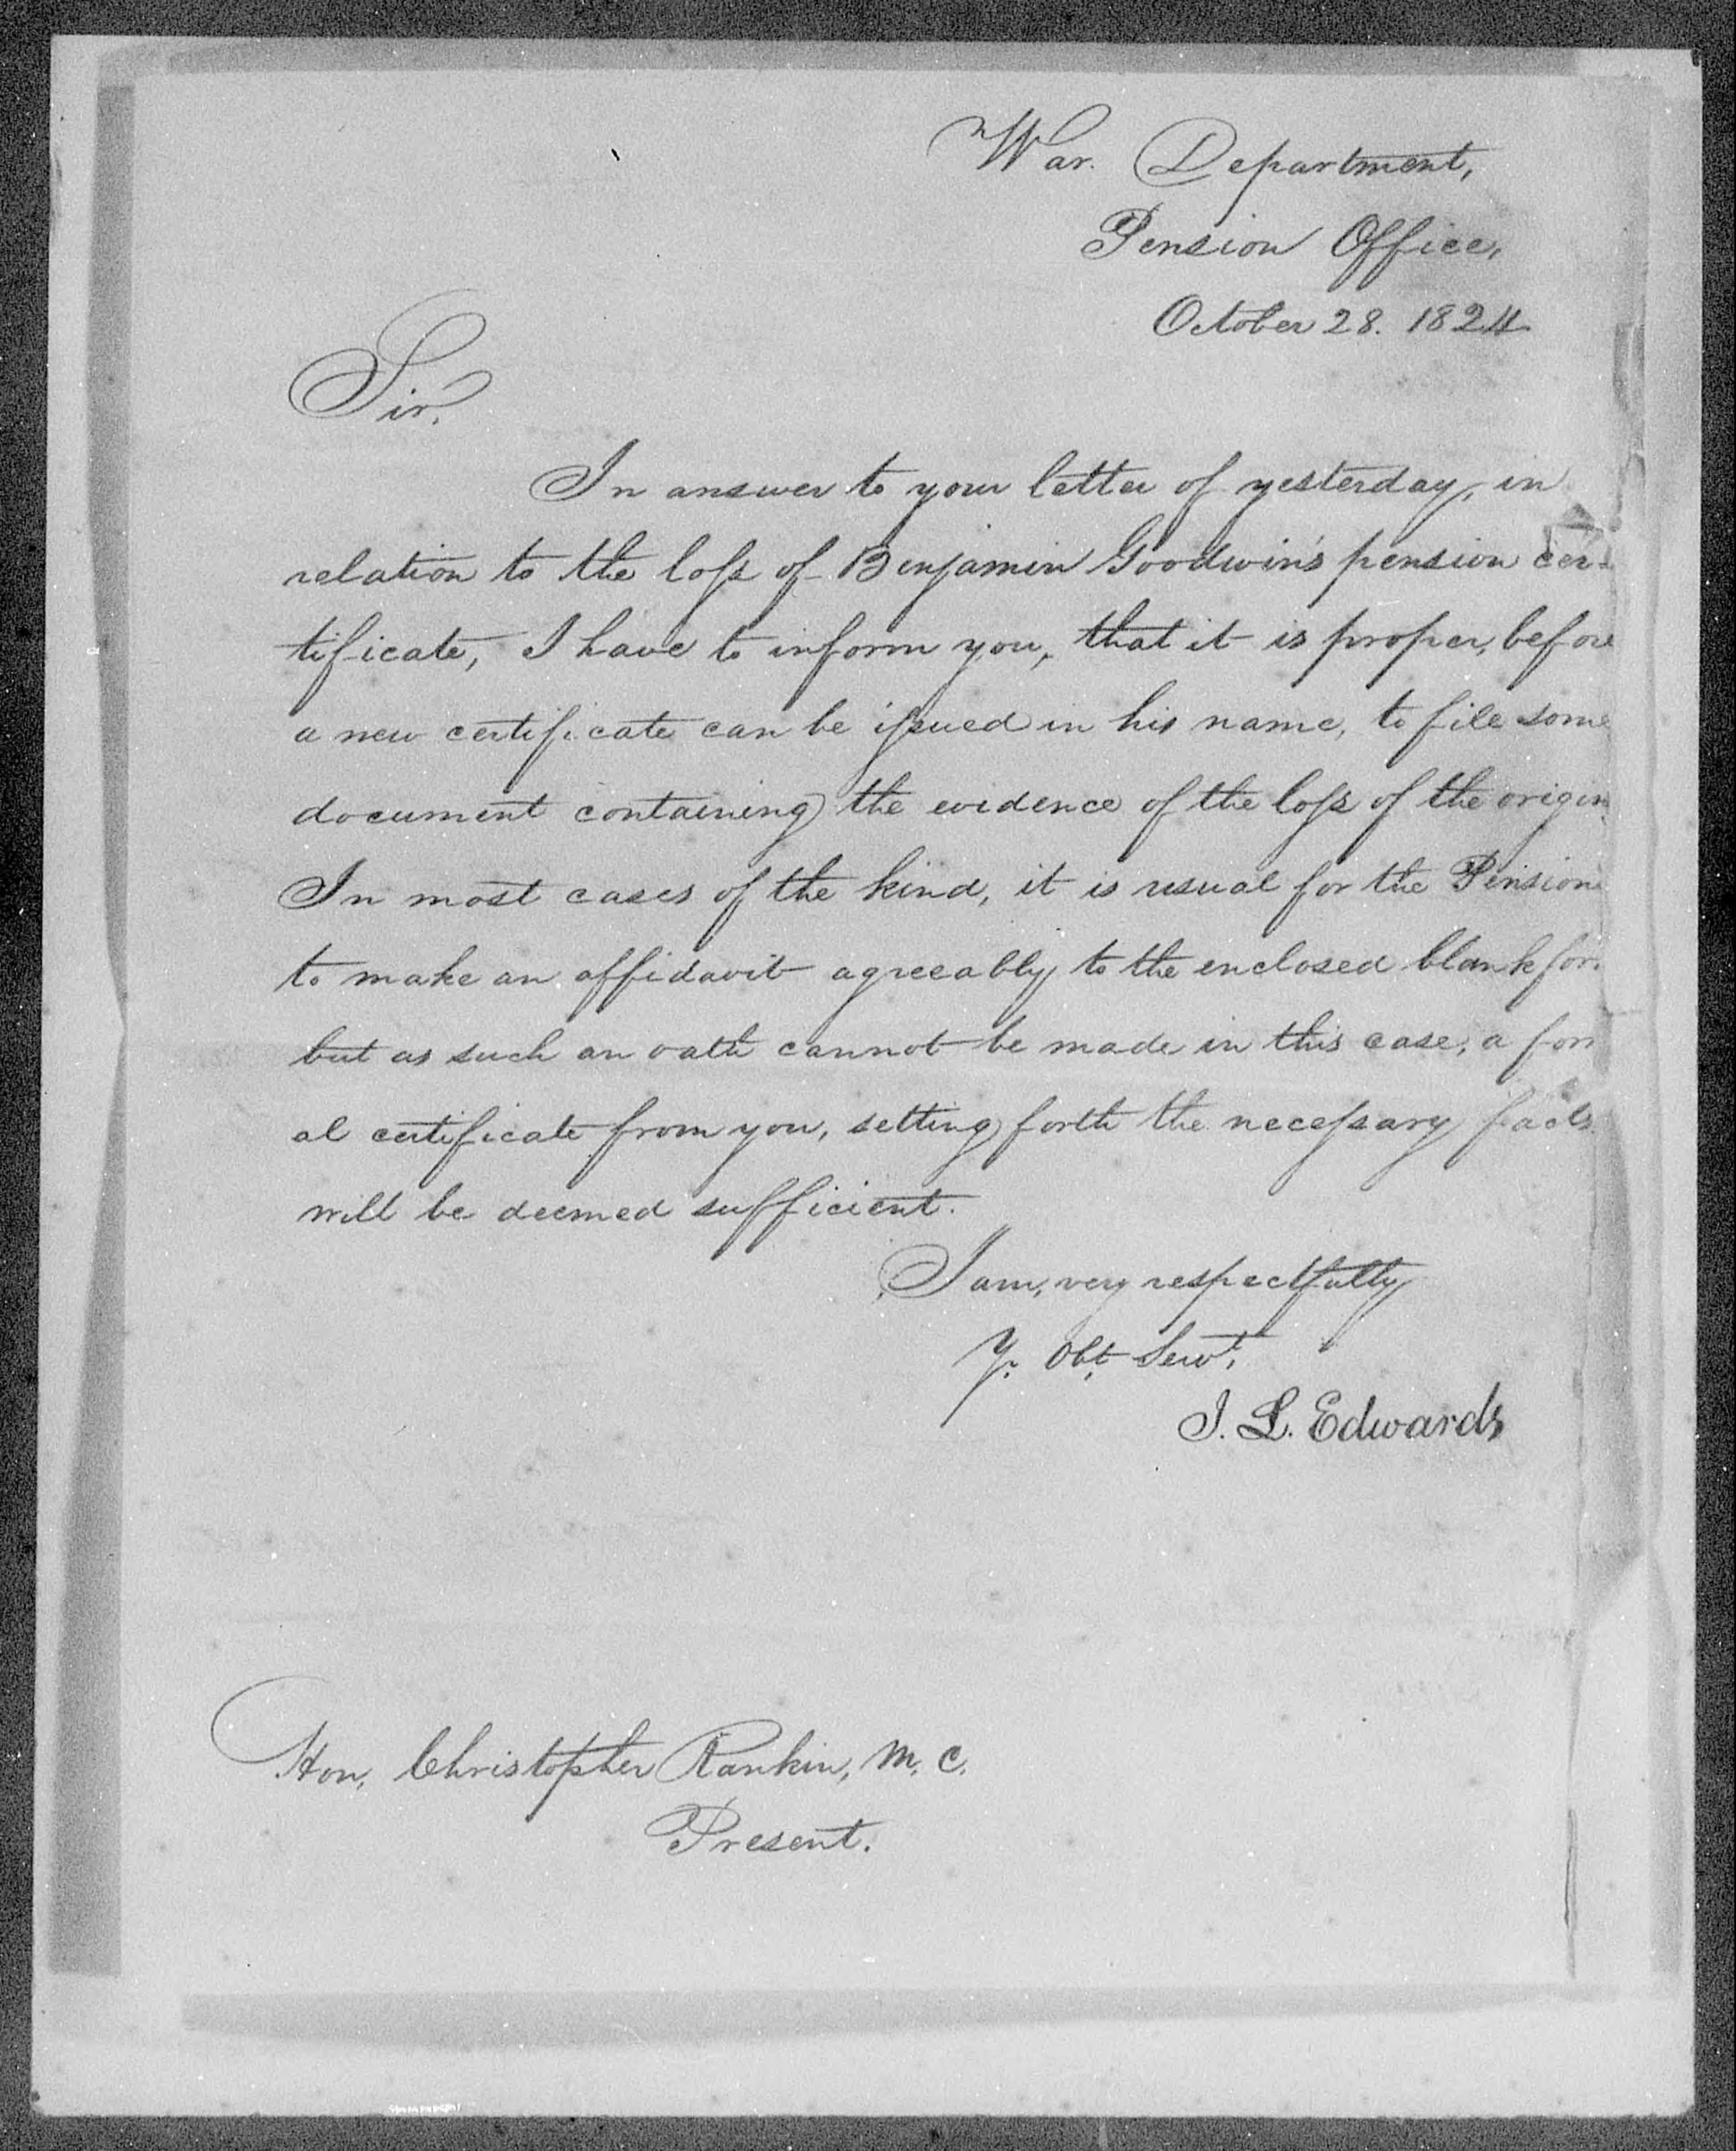War Department,
Pension Officer
October 28, 1824.
Sir.
In answer to your letter of yesterday, in relation to the loss of Benjamin Goodwin's pension certificate, I have to inform you, that it is proper before a new certificate can be issued in his name, to file some document containing the evidence of the loss of the origin. In most cases of the kind, it is usual for the Pension to make an affidavit agreeably to the enclosed blank form but as such an oath cannot be made in this case, a formal certificate from you, setting forth the necessary facts will be deemed sufficient.
I am, very respectfully
Y. Ovt. Servt.
J. L. Edwards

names: J L Edwards, Benjamin Goodwin, Christopher Rankin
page: 20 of 24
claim: survivor's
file: S. 34903, Benjamin Goodwin, Va.